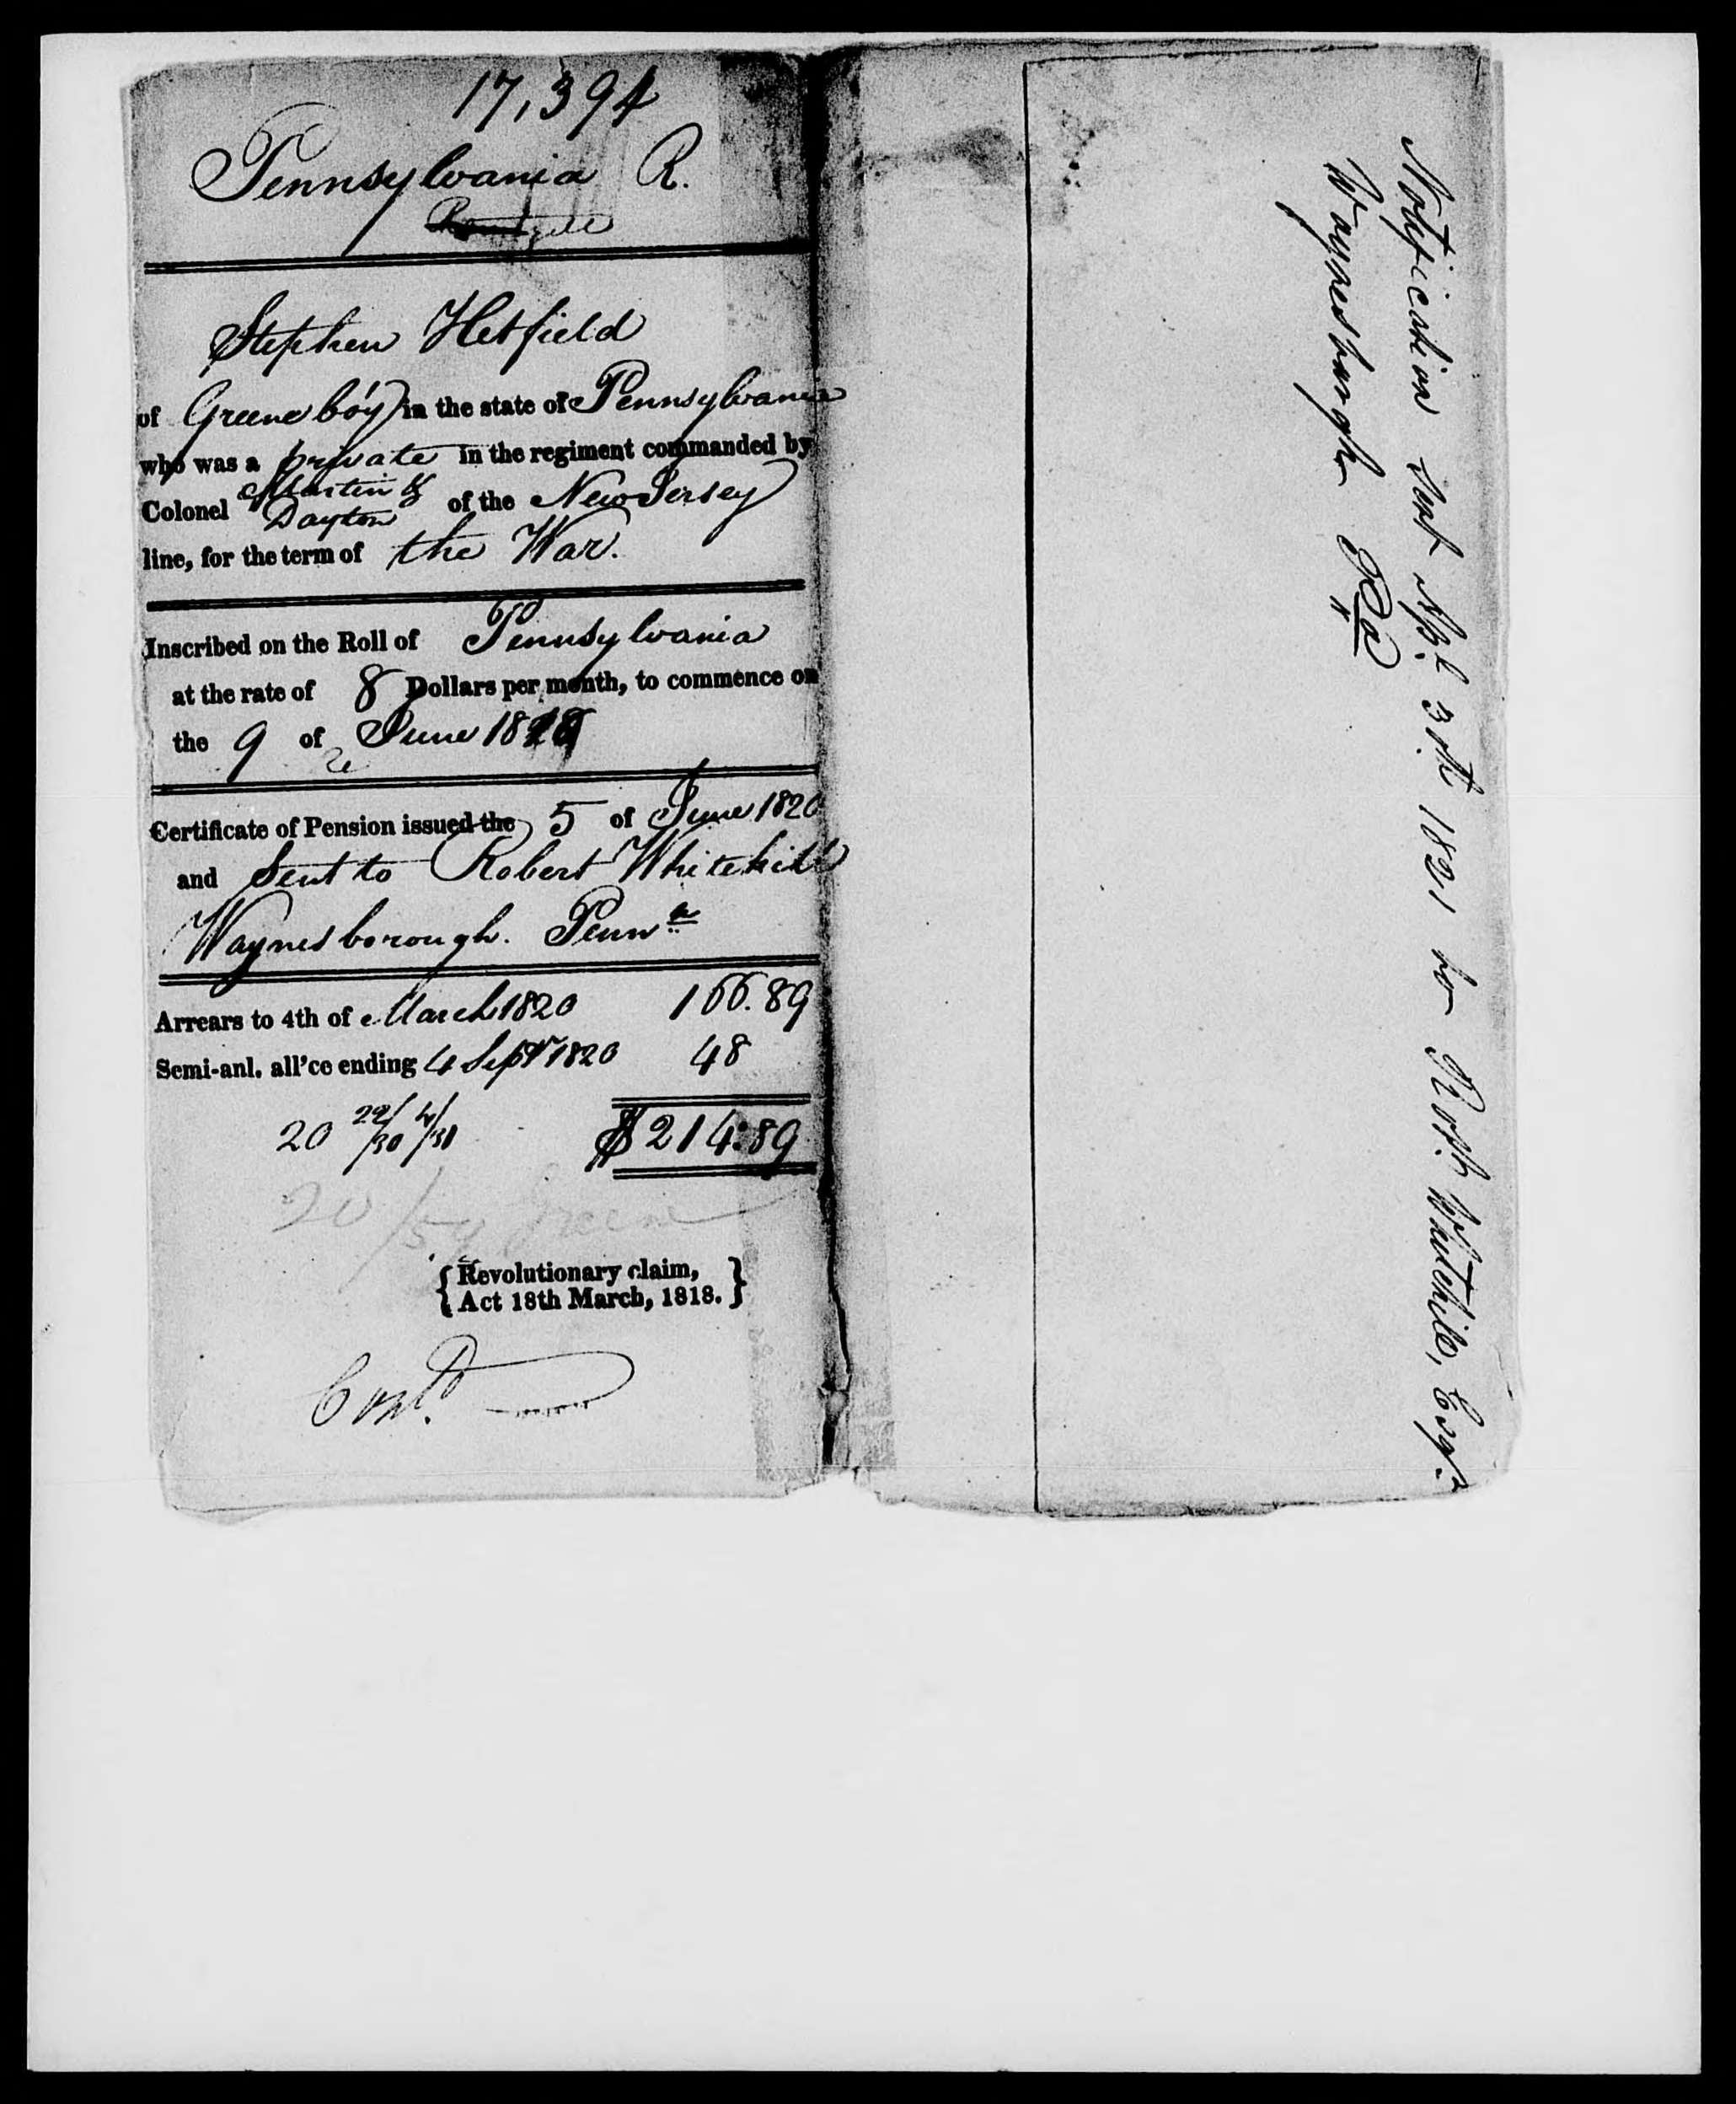[This document is a mixture of a printed form and handwritten entries.]

17.394
Pennsylvania 
[illegible and crossed through] ite

Stephen Hetfield
of Greene Co'y in the state of Pennsylvania
who was a private in the regiment commanded by
Colonel Martin & Dayton of the New Jersey
line, for the term of the War.

Inscribed on the Roll of Pennsylvania
at the rate of 8 Dollars per month, to commence on
the 9 of June 1820

Certificate of Pension issued the 5 of June 1820
and sent to Robert Whitehill
Waynesborough Penn

Arrears to 9th of March, 1820                  166.89
semi-anl. all'ce ending 4 Sept 1820           48

20 22/30   [?]/30                                     $214:89

[in faded ink] 20/54 Green

{Revolutionary Claim}
{Act 18th March, 1818}

Contl.

[The following was written vertically down right side of document.]

Notification sent Apl  30th 1821 to Robt. Whitehill Esq.
Waynesborgh Pa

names: Stephen Hetfield, Robt Whitehill, Martin, Dayton, Robert Whitehill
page: 2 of 45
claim: widow's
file: W. 2734, Stephen Hetfield, New Jersey